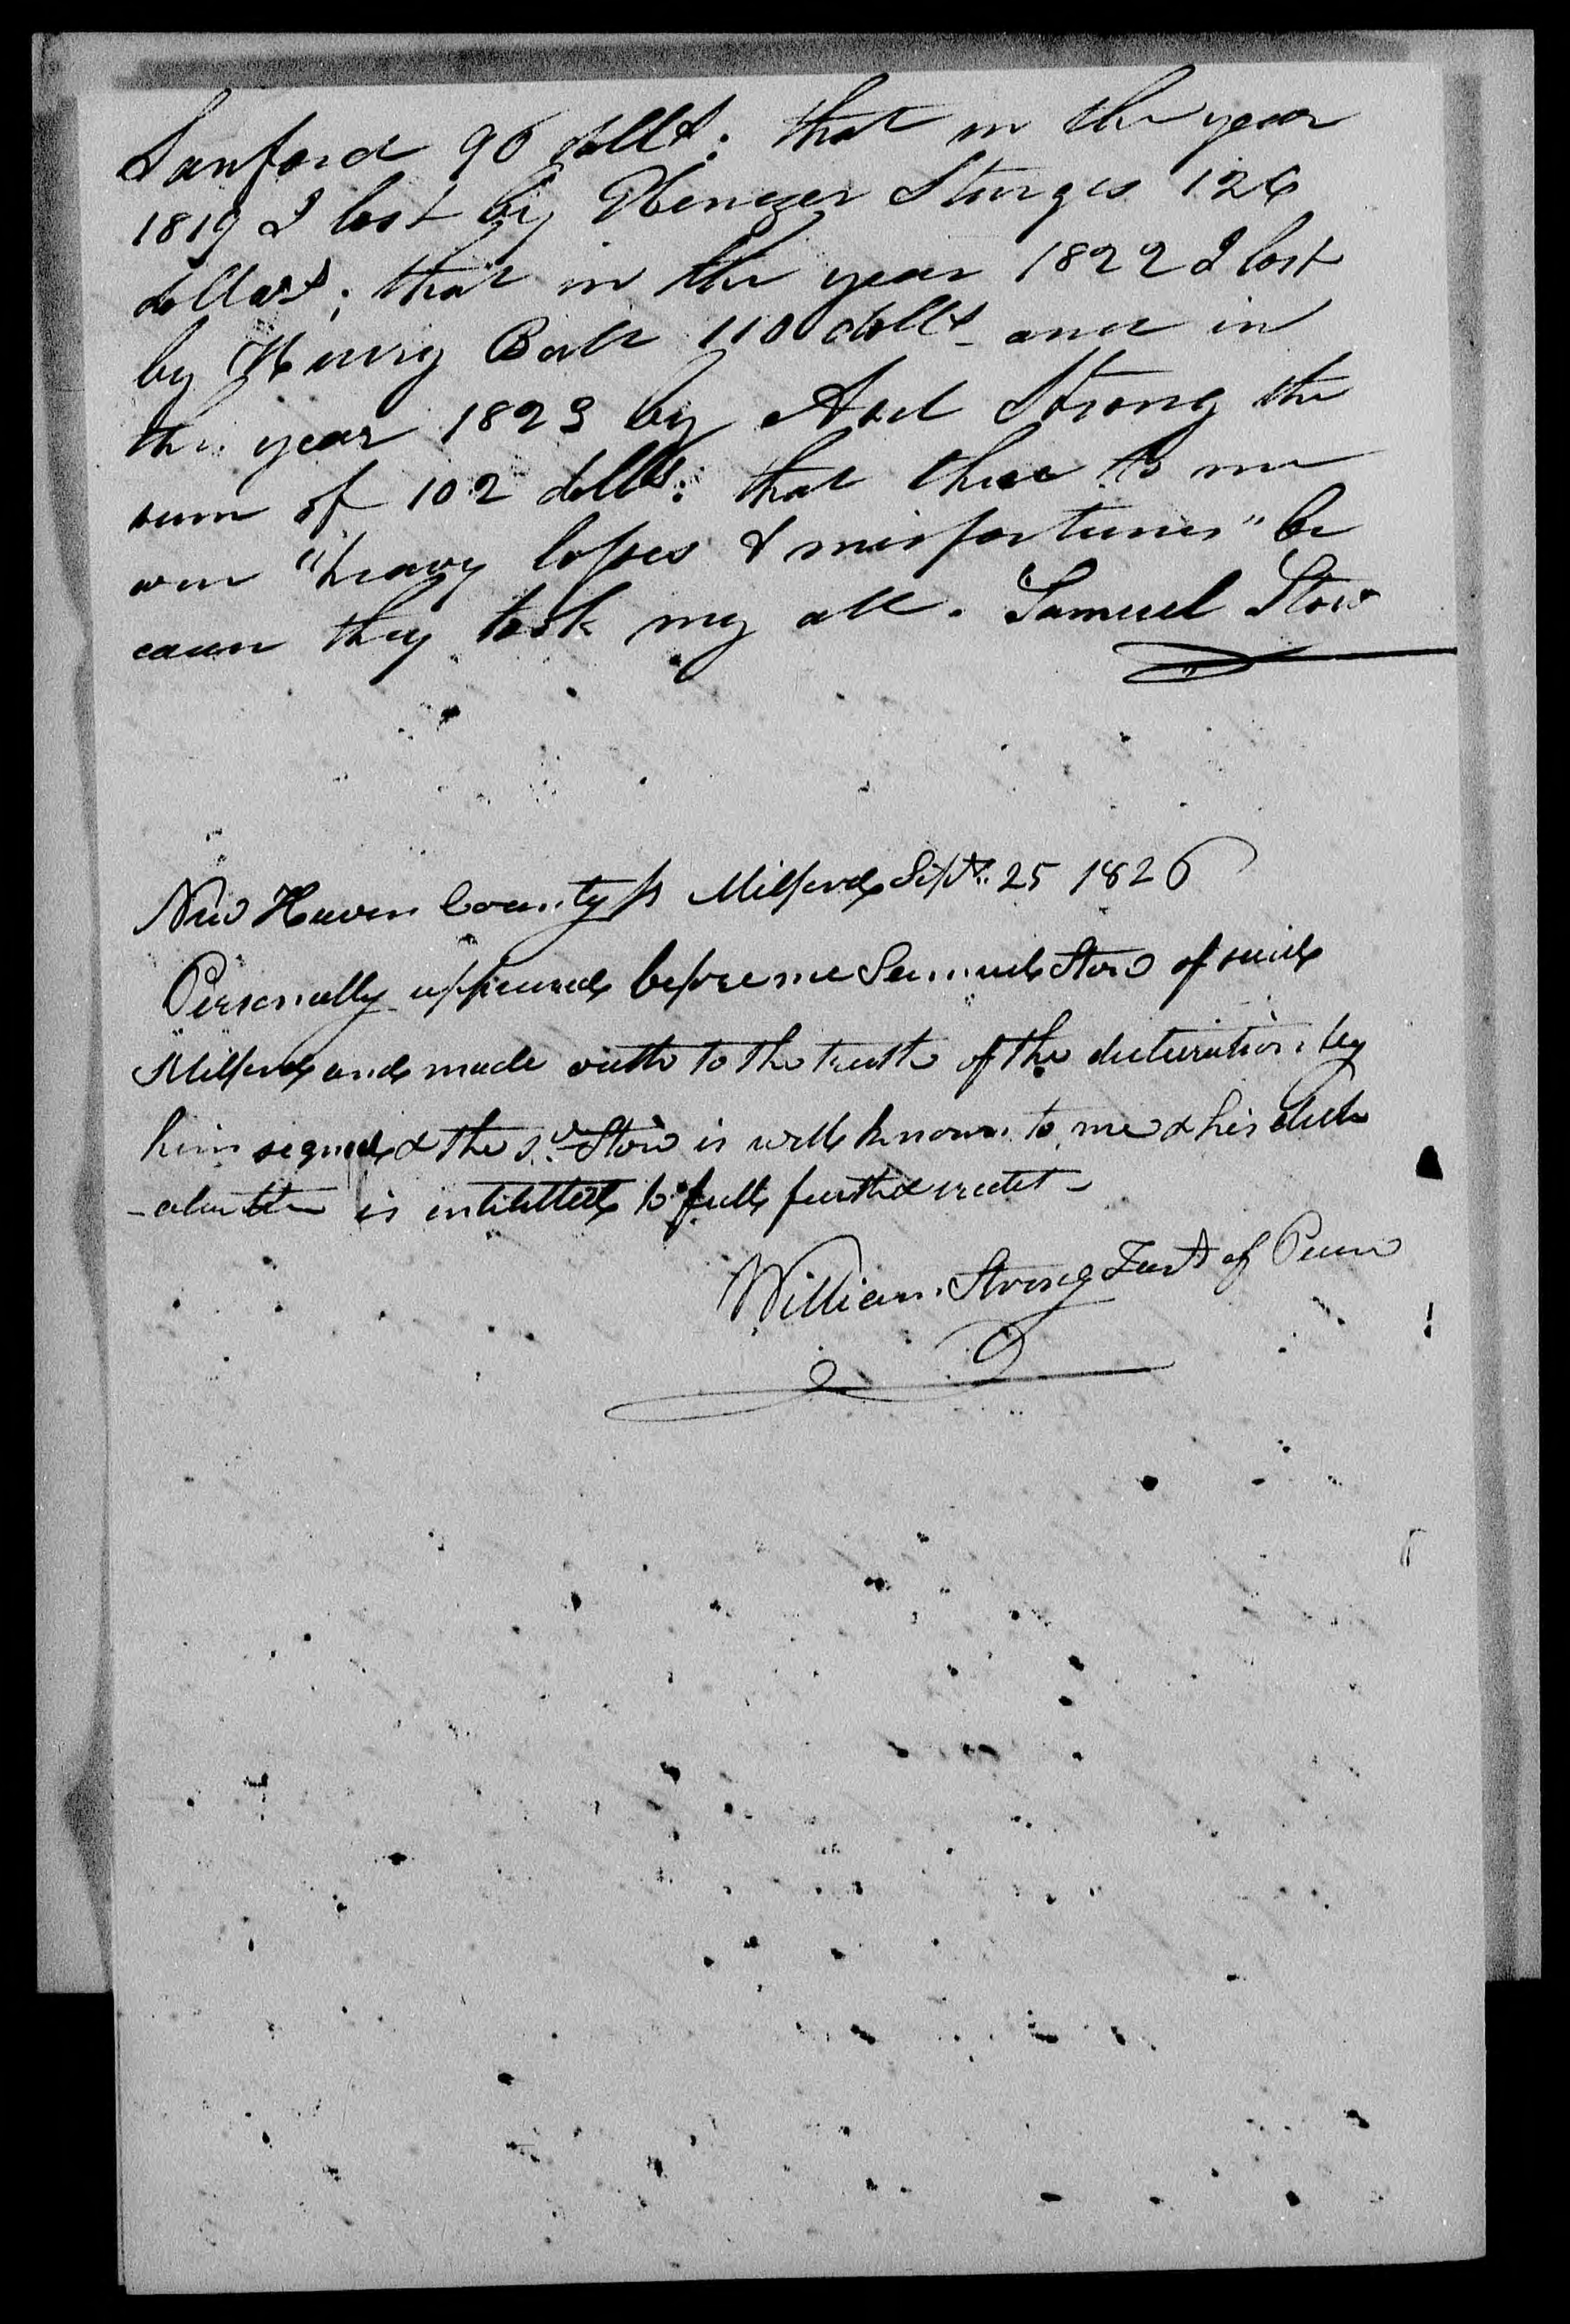Sanford 96 dollars:  that in the year 1819
I lost by Ebenezer Sturges 126 dollars; that in the year 1822 I lost by Henry Bull 110 dollars and in
the year 1823 by As'l Strong the sum of 102 dollars;  that these to me were "heavy losses & misfortunes" because they took my all. 
[signed] Samuel Stow

New Haven County} ss Milford Sept 25 1826
Personally appeared before me Samuel Stow of said Milford and made oath to the truth of the declaration by him signed & the said Stow is well known to me & his declaration is entitled to full faith and credit.
William Strong Just of Peace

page: 31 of 42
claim: survivor's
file: S. 36,819, for Samuel Stow, Connecticut